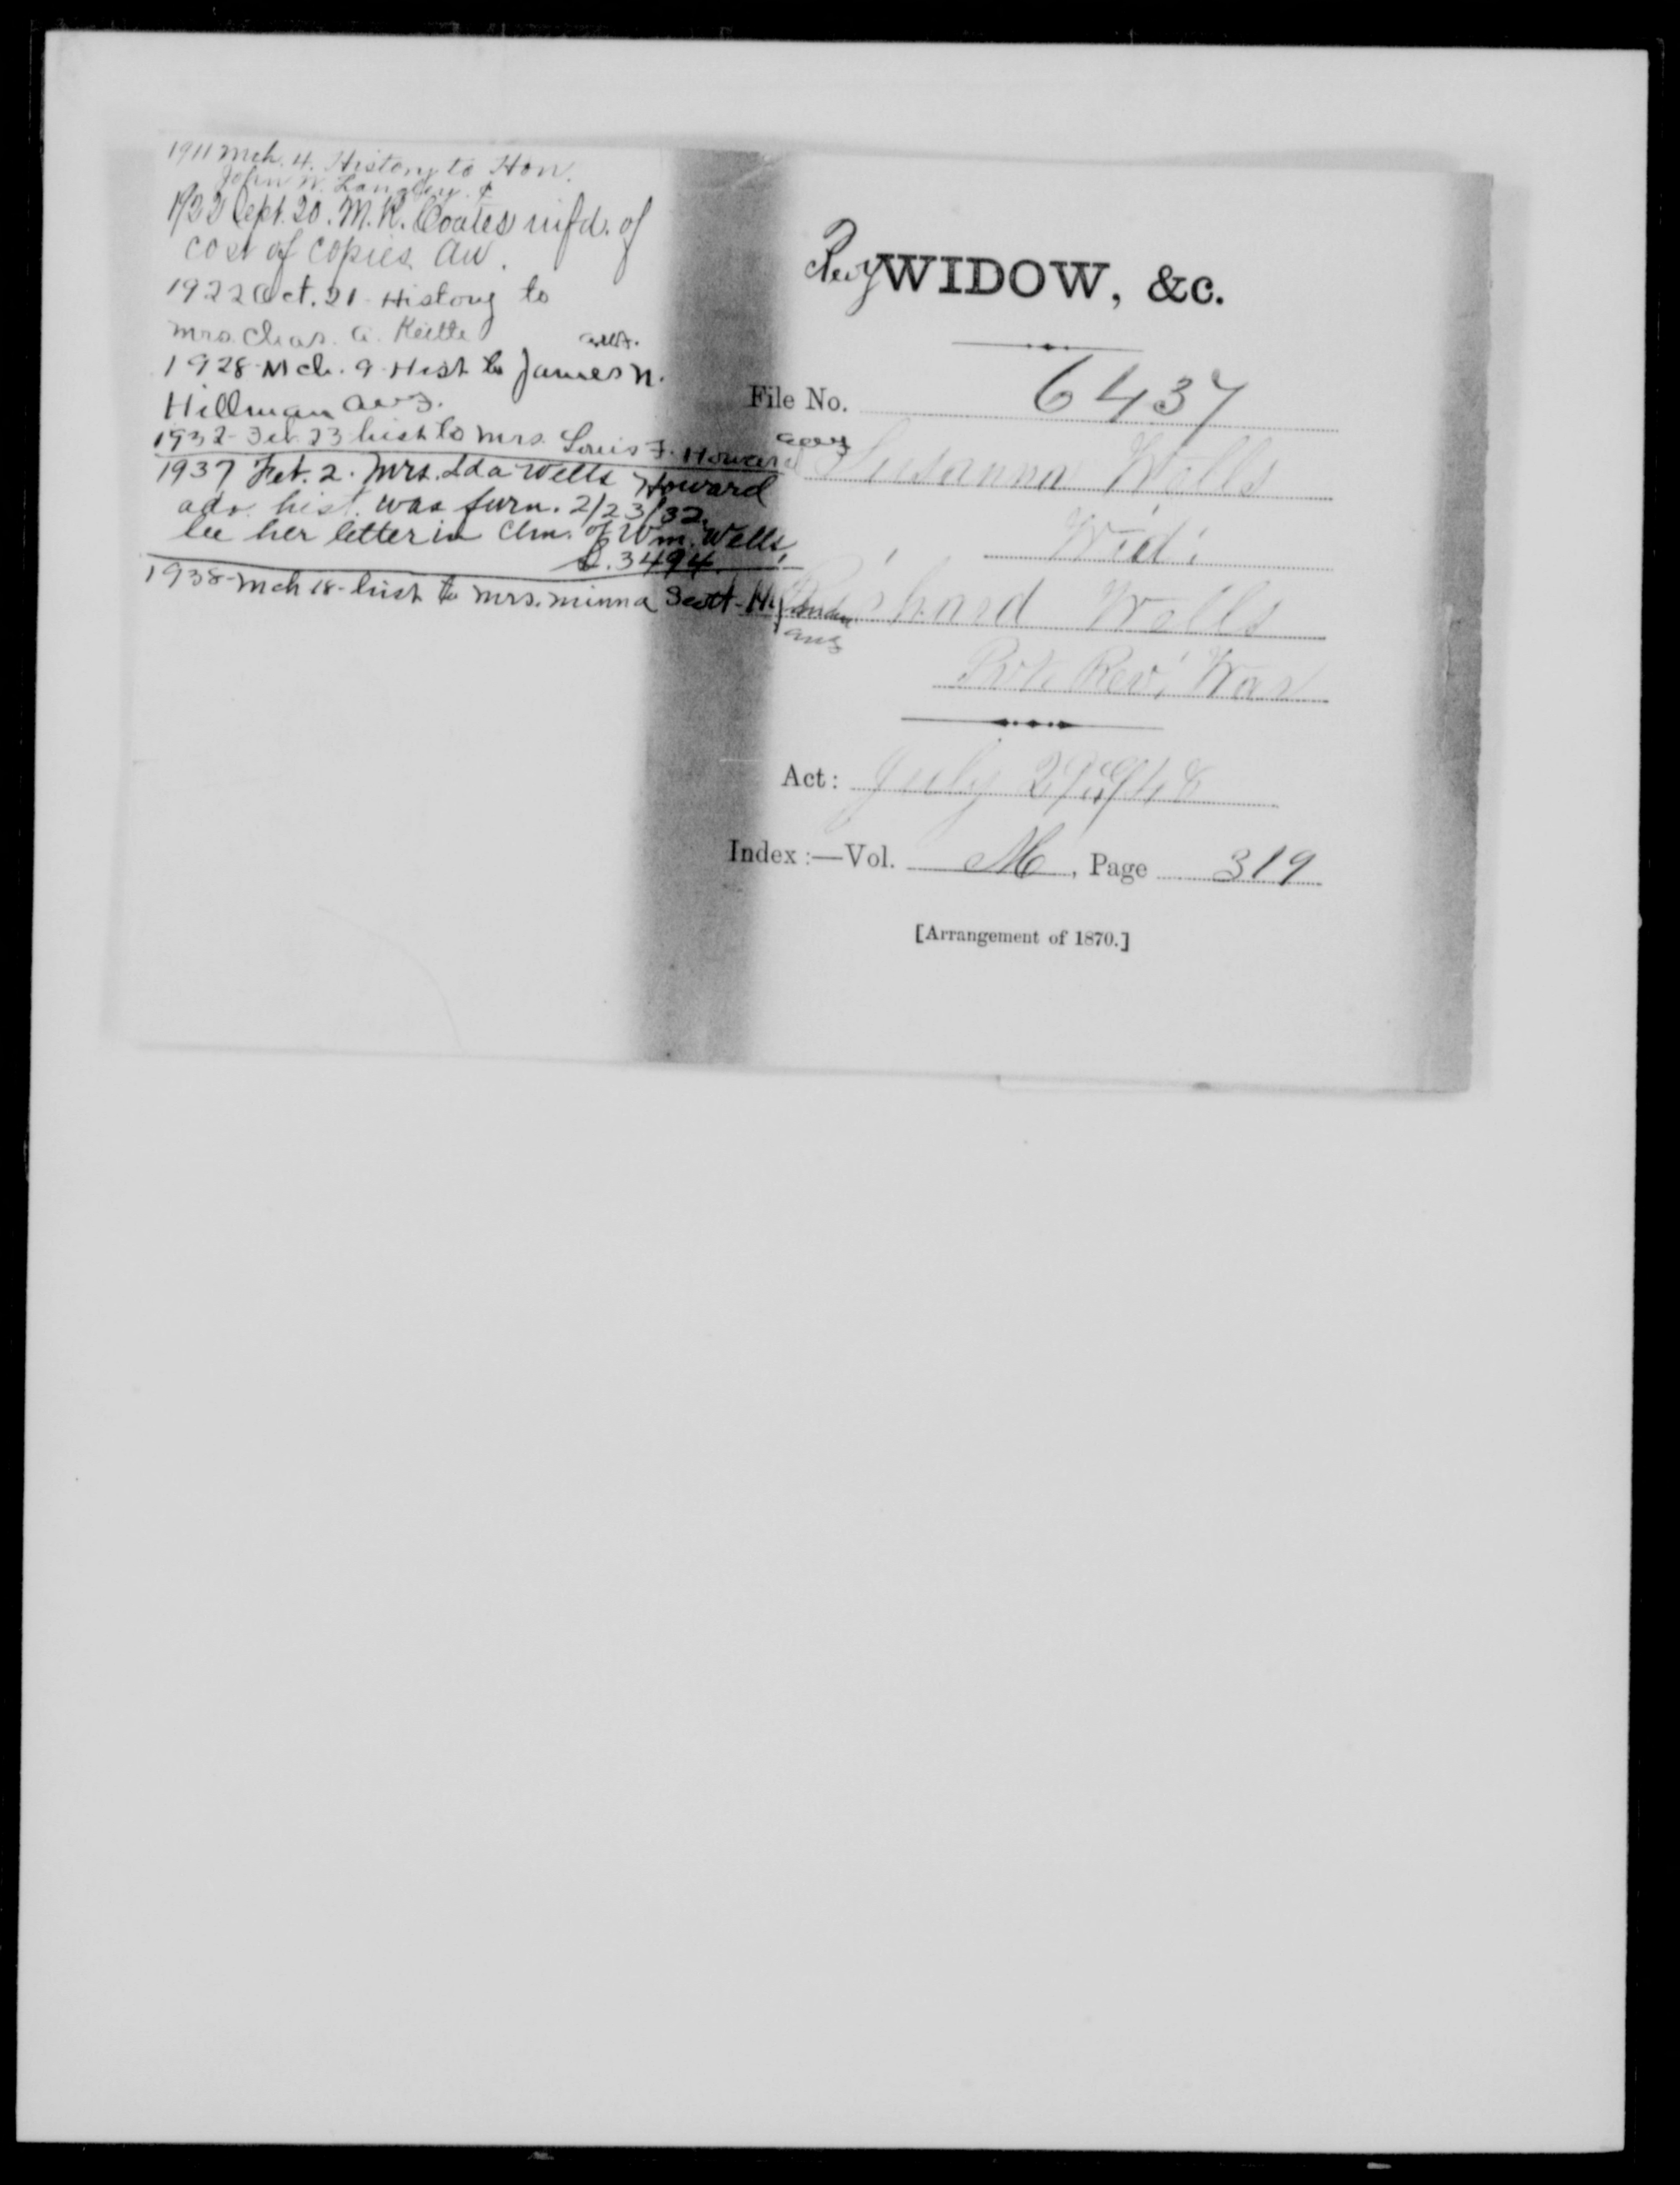1911 Mch. 4. History to Hon.
John W. Langley [cents]
1922 Sept. 20 M.R.Coates inf’d of
cost of Copies AW
1922 Oct. 21 History to
Mrs. Chas A. Keith AWF
1928 Mch 9 Hist to James N.
Hillman AWF
1932 Feb 23 hist to Mrs. Louis F. Howard EAY
1937 Feb. 2. Mrs. Ida Wells F. Howard
Adv. hist. was was furn.  2/23/32
see her letter in clm. of Wm Wells S3494
1938 - Mch 18 Hist to Mrs. Minna Scott Hyman  ANG

Revy WIDOW, &c.
File No. 6437
Susanna Wells
Wid.
Richard  Wells
Pri. Rev. War

Act: July 29th 48
Index:--Vol. M, Page 319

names: Richard Wells, Louis F Howard, Chas A Keith, M R Coates, Susanna Wells, Minna Scott-Hyman, Ida Wells Howard, John W Langley, James N Hillman, Wm Wells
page: 82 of 100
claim: widow's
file: W. 6437, Richard Wells, Ga Va.